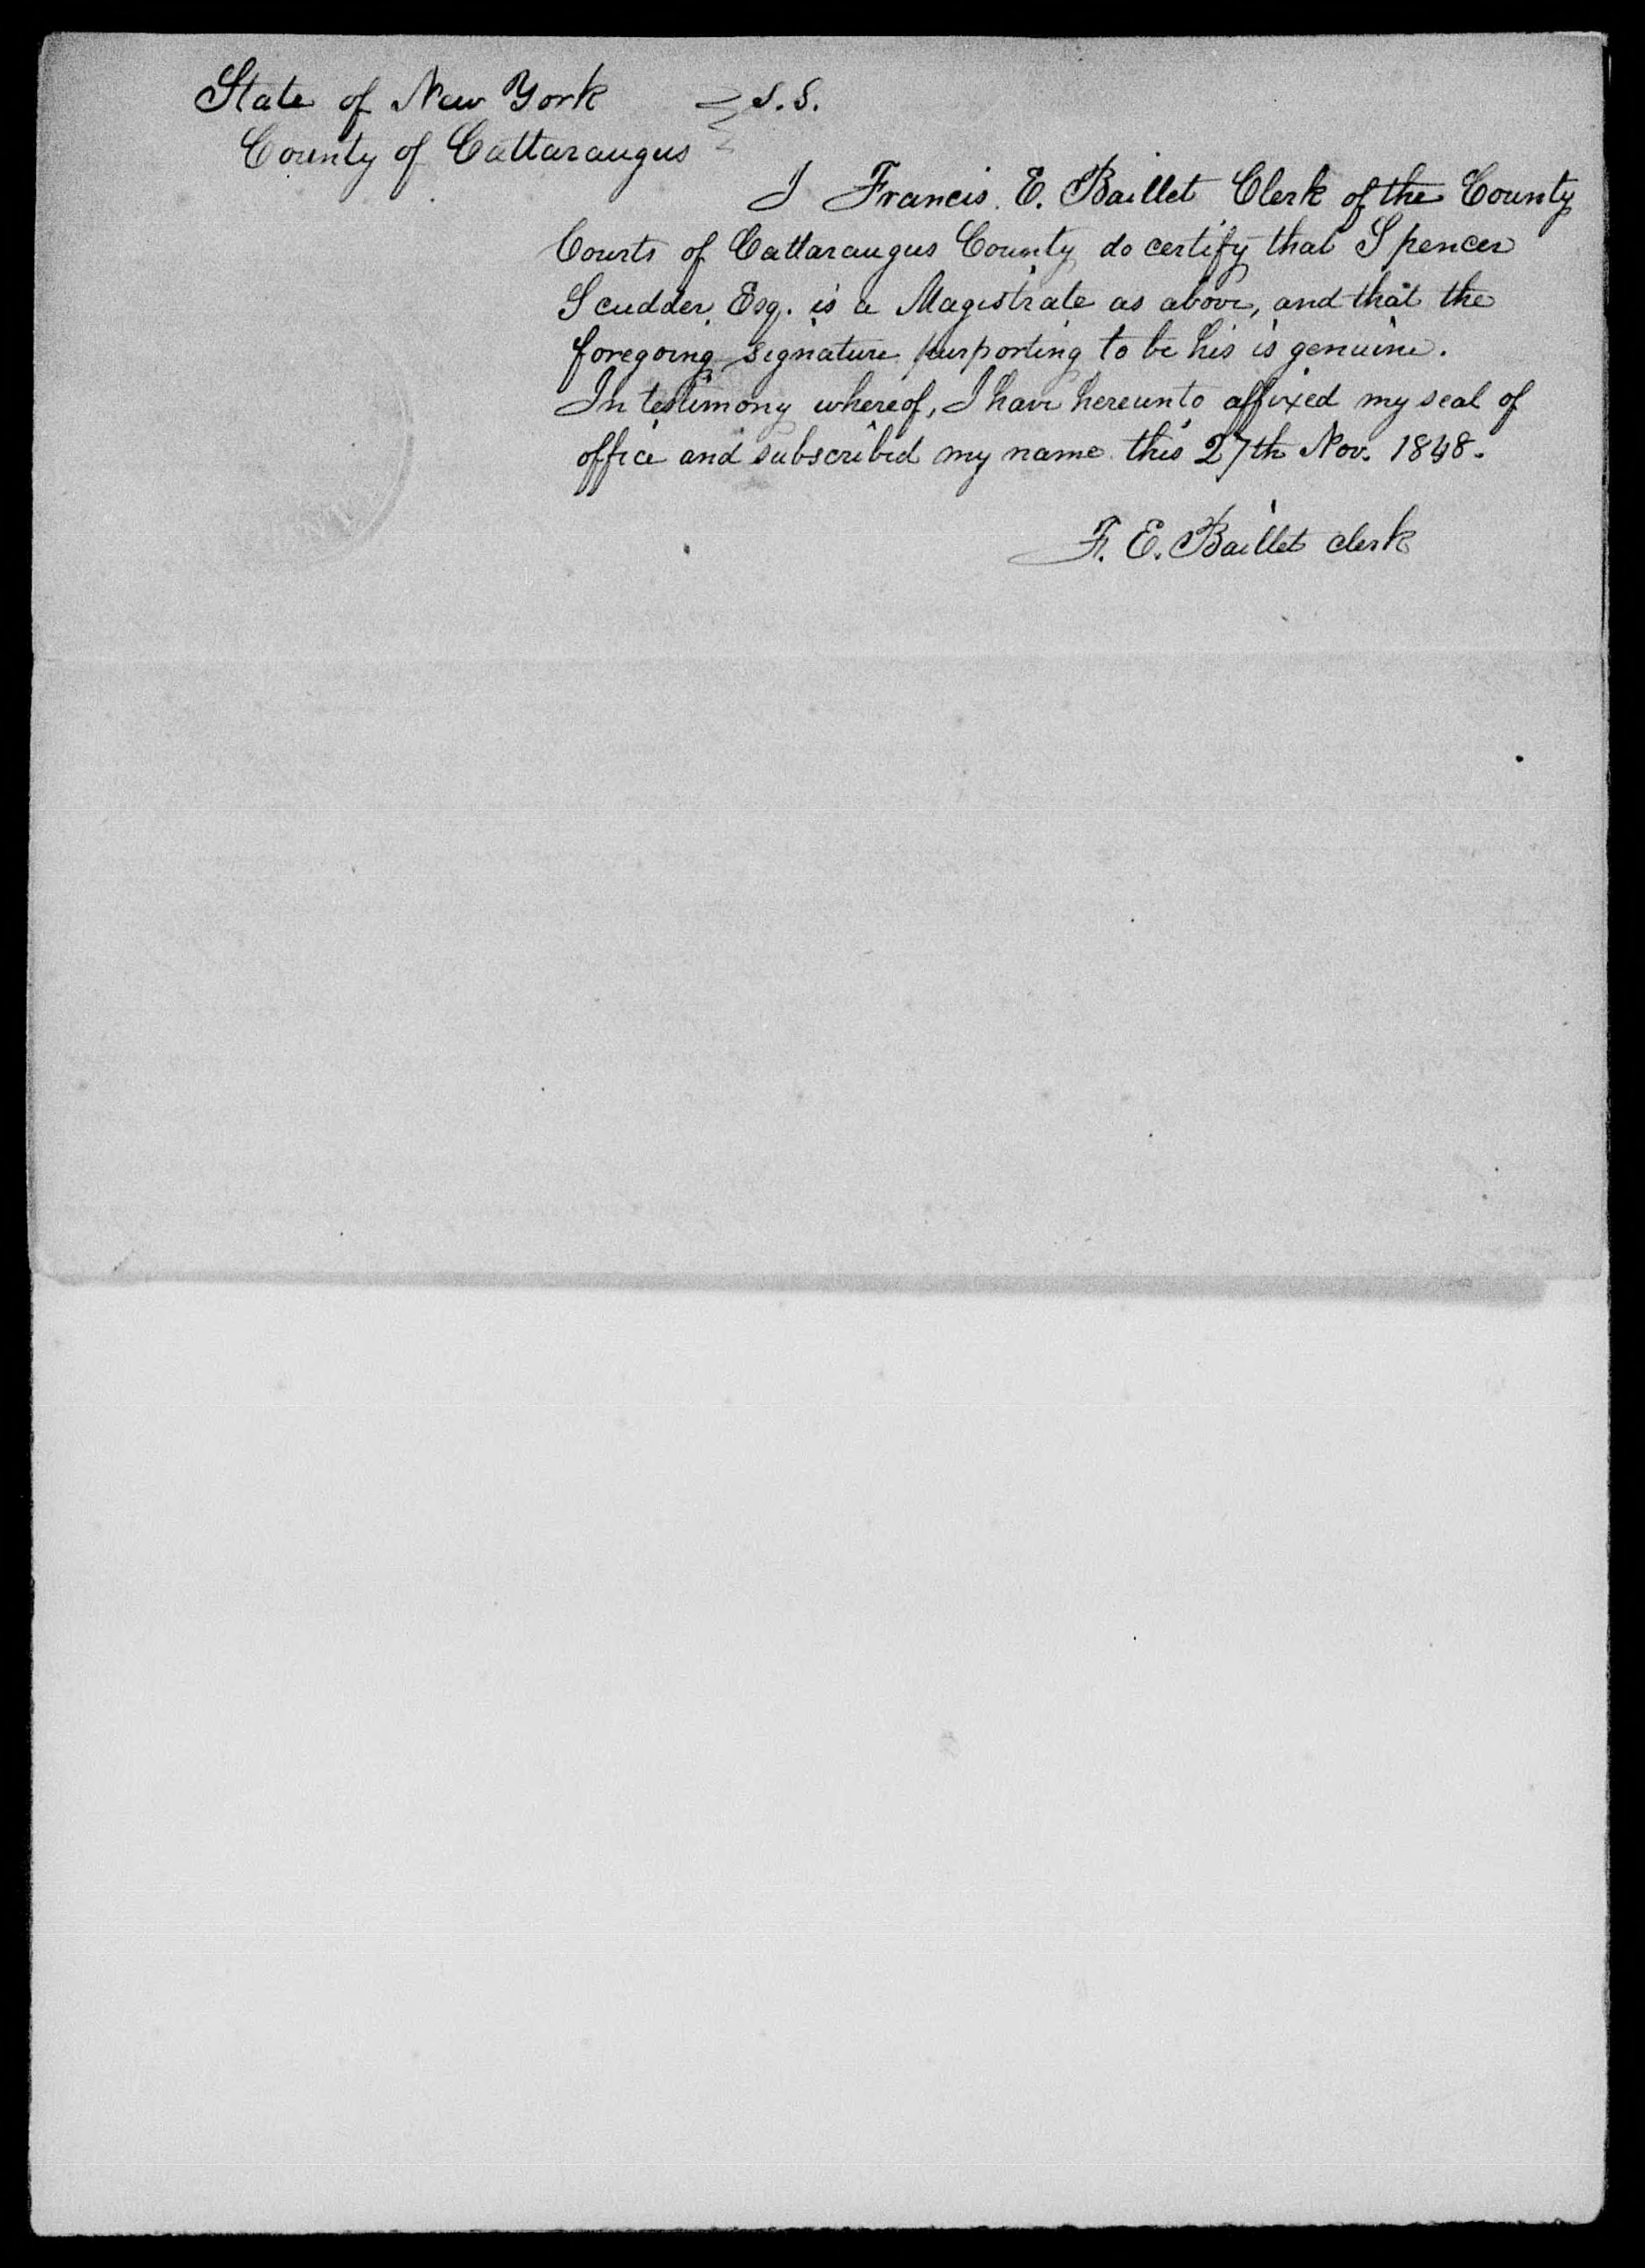State of New York
County of Cattaraugus}ss.
I Francis E. Baillet Clerk of the County Courts of Cattaraugus County, do certify that Spencer Scudder Esq. is a Magistrate as above, and that the foregoing signature purporting to be his is genuine. 
[court seal] In testimony whereof, I have hereunto affixed my seal of office and subscribed my name this 27th Nov. 1848. 
/s/F. E. Baillet clerk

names: F E Baillet, Francis E Baillet, Spencer Scudder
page: 70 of 80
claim: survivor's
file: S. 18008, Thomas Harvey, N.H.